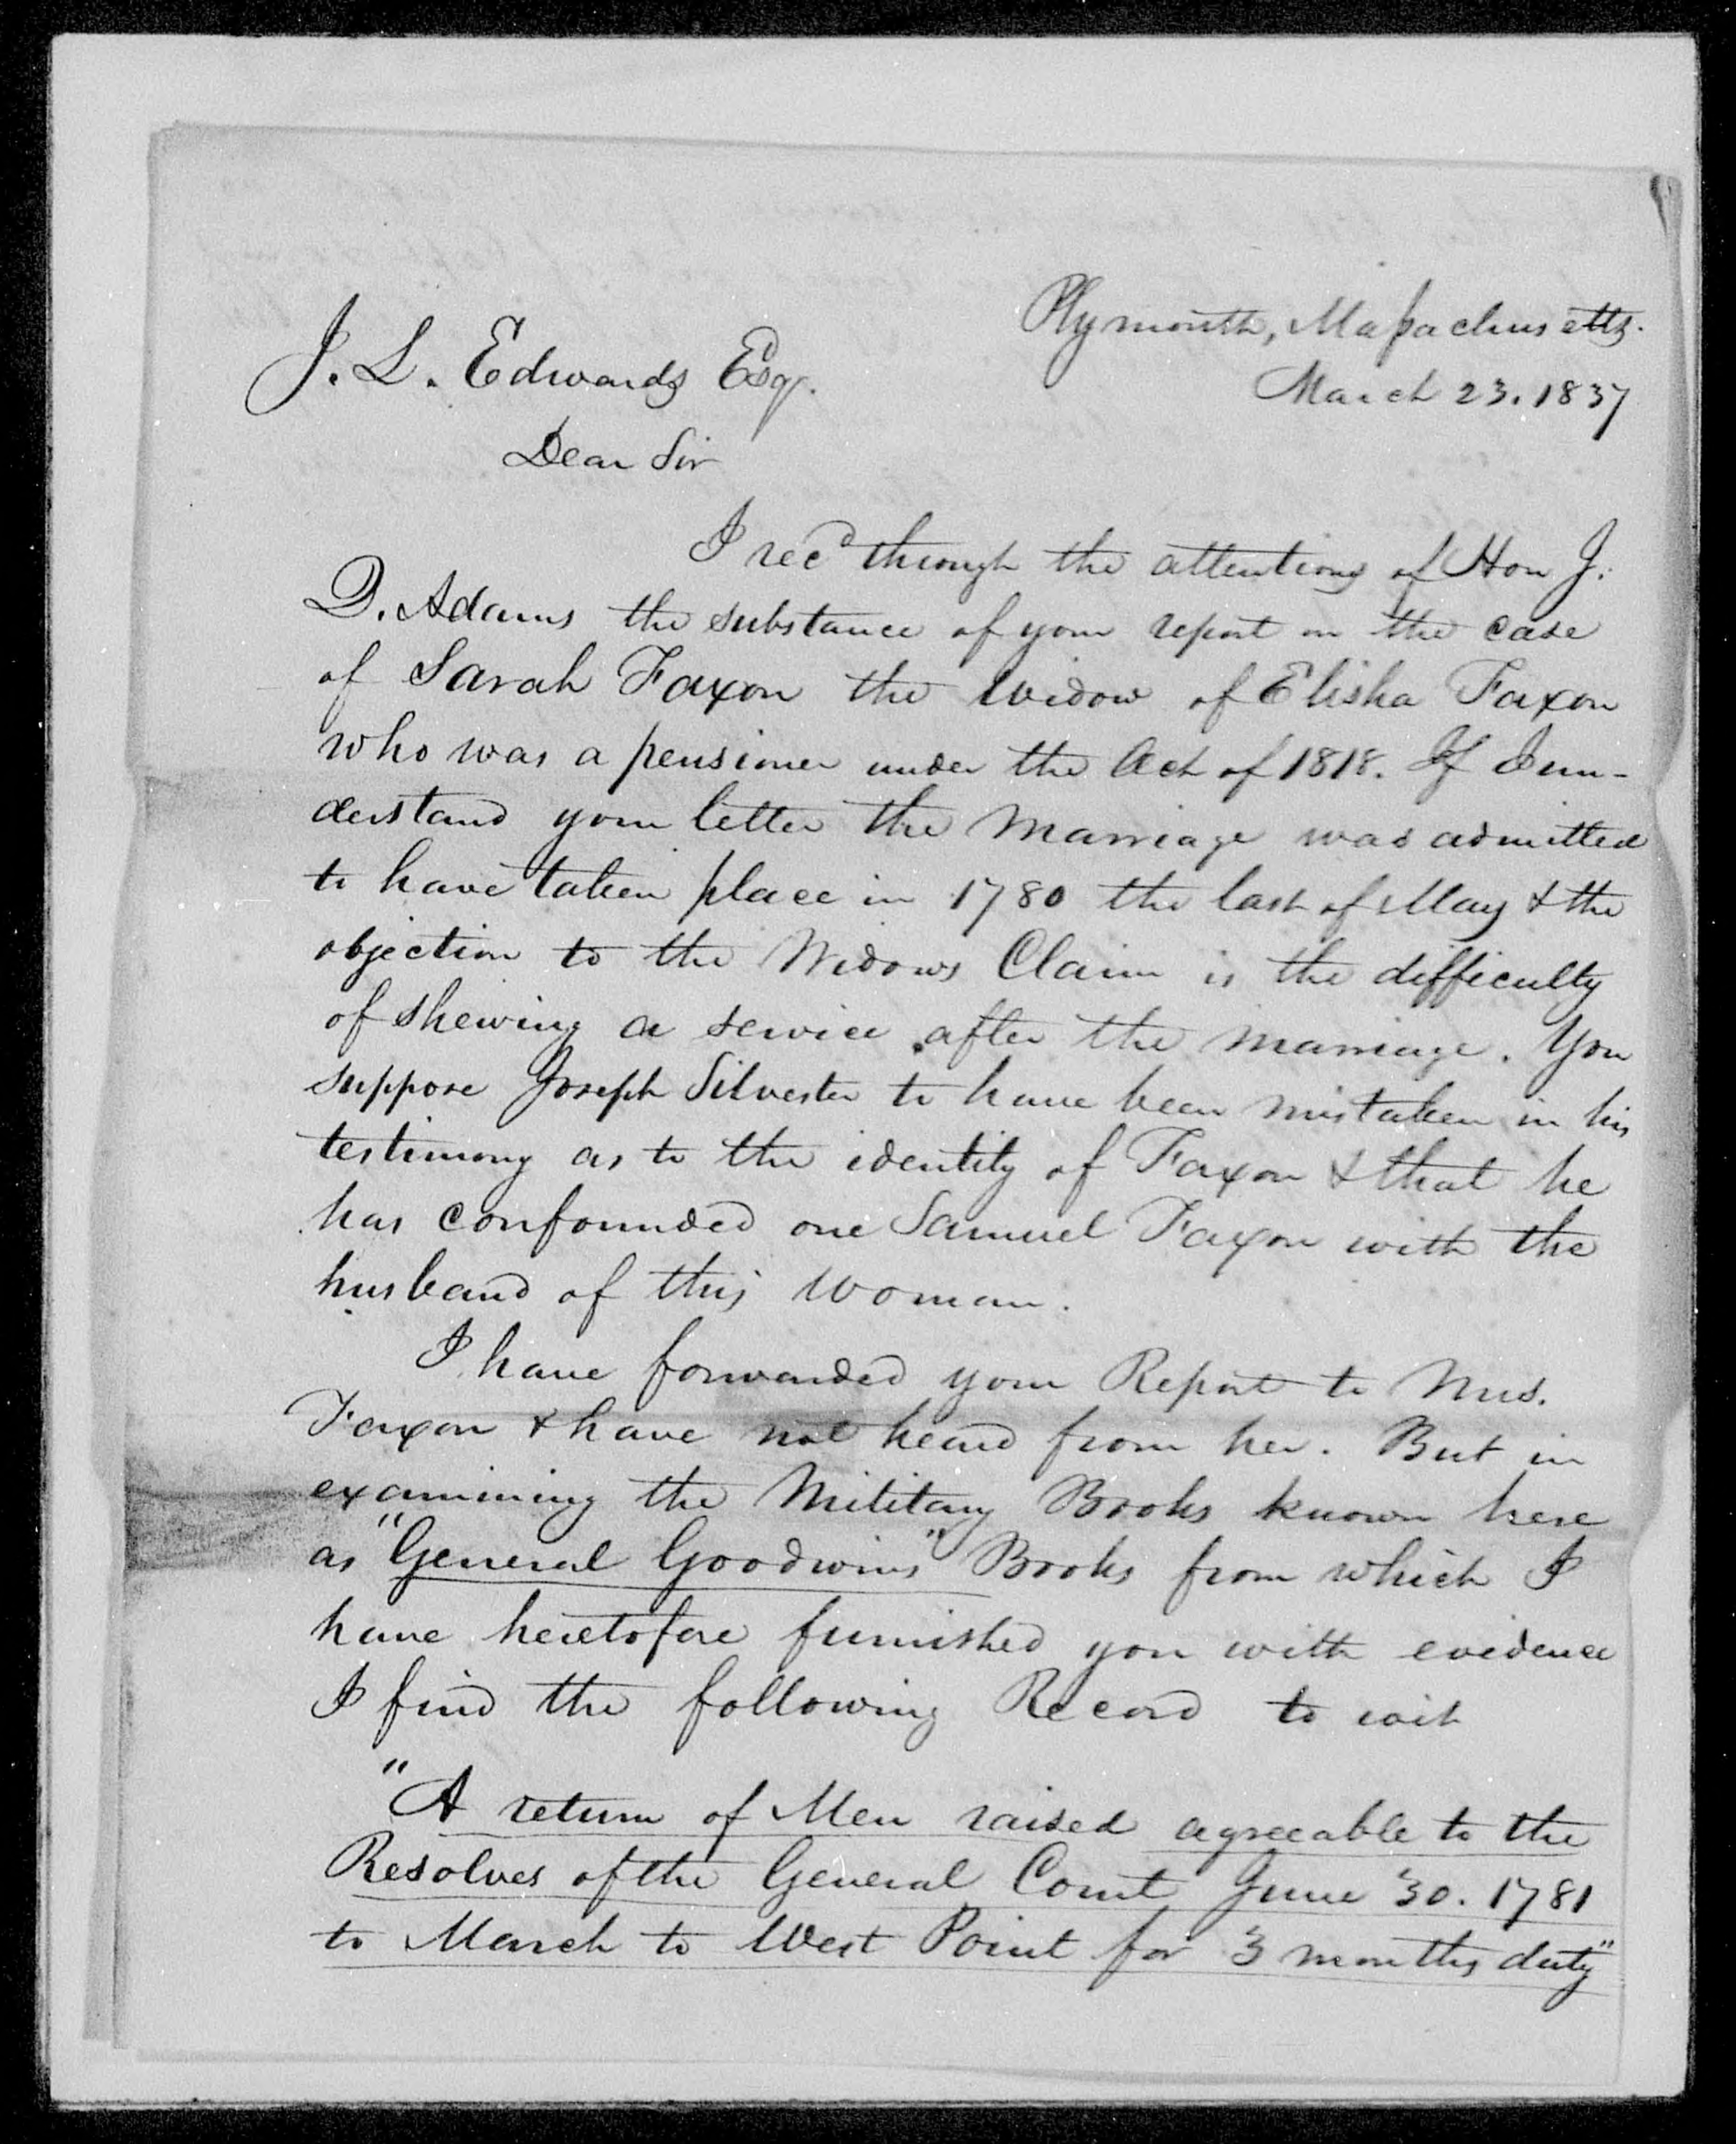Plymouth, Massachusetts
March 23, 1837
J.L Edwards
Dear Sir,
I received through the attesting of Hon. J. Q. Adams the substance of your report in the case of Sarah Faxon the widow of Elisha Faxon who was a pensioner under the Act of 1818. If I understand your letter the marriage was admitted to have taken place in 1780 the last of May and the objection to the Widow's Claim sis the difficulty of showing a service after the marriage. You suppose Joseph Silvester to have been mistaken in his testimony as to the identity of Faxon that he has confounded one Samuel Faxon with the husband of this woman.
I have forwarded your report to Mrs. Faxon and have not heard from her. But in examining the Military Books known here as "General Goodwin's" Books from which I have heretofore furnished you with evidence I find the following record to said "A return of Men raised agreeable to the Resolves of the General Court June 30 1781 to March to West Point for 3 months duty'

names: Goodwin, Faxon, Faxon, J L Edwards, Joseph Silvester, J Q Adams, Elisha Faxon, Samuel Faxon, Sarah Faxon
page: 43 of 47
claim: widow's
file: W. 14703, Elisha Faxon, Mass